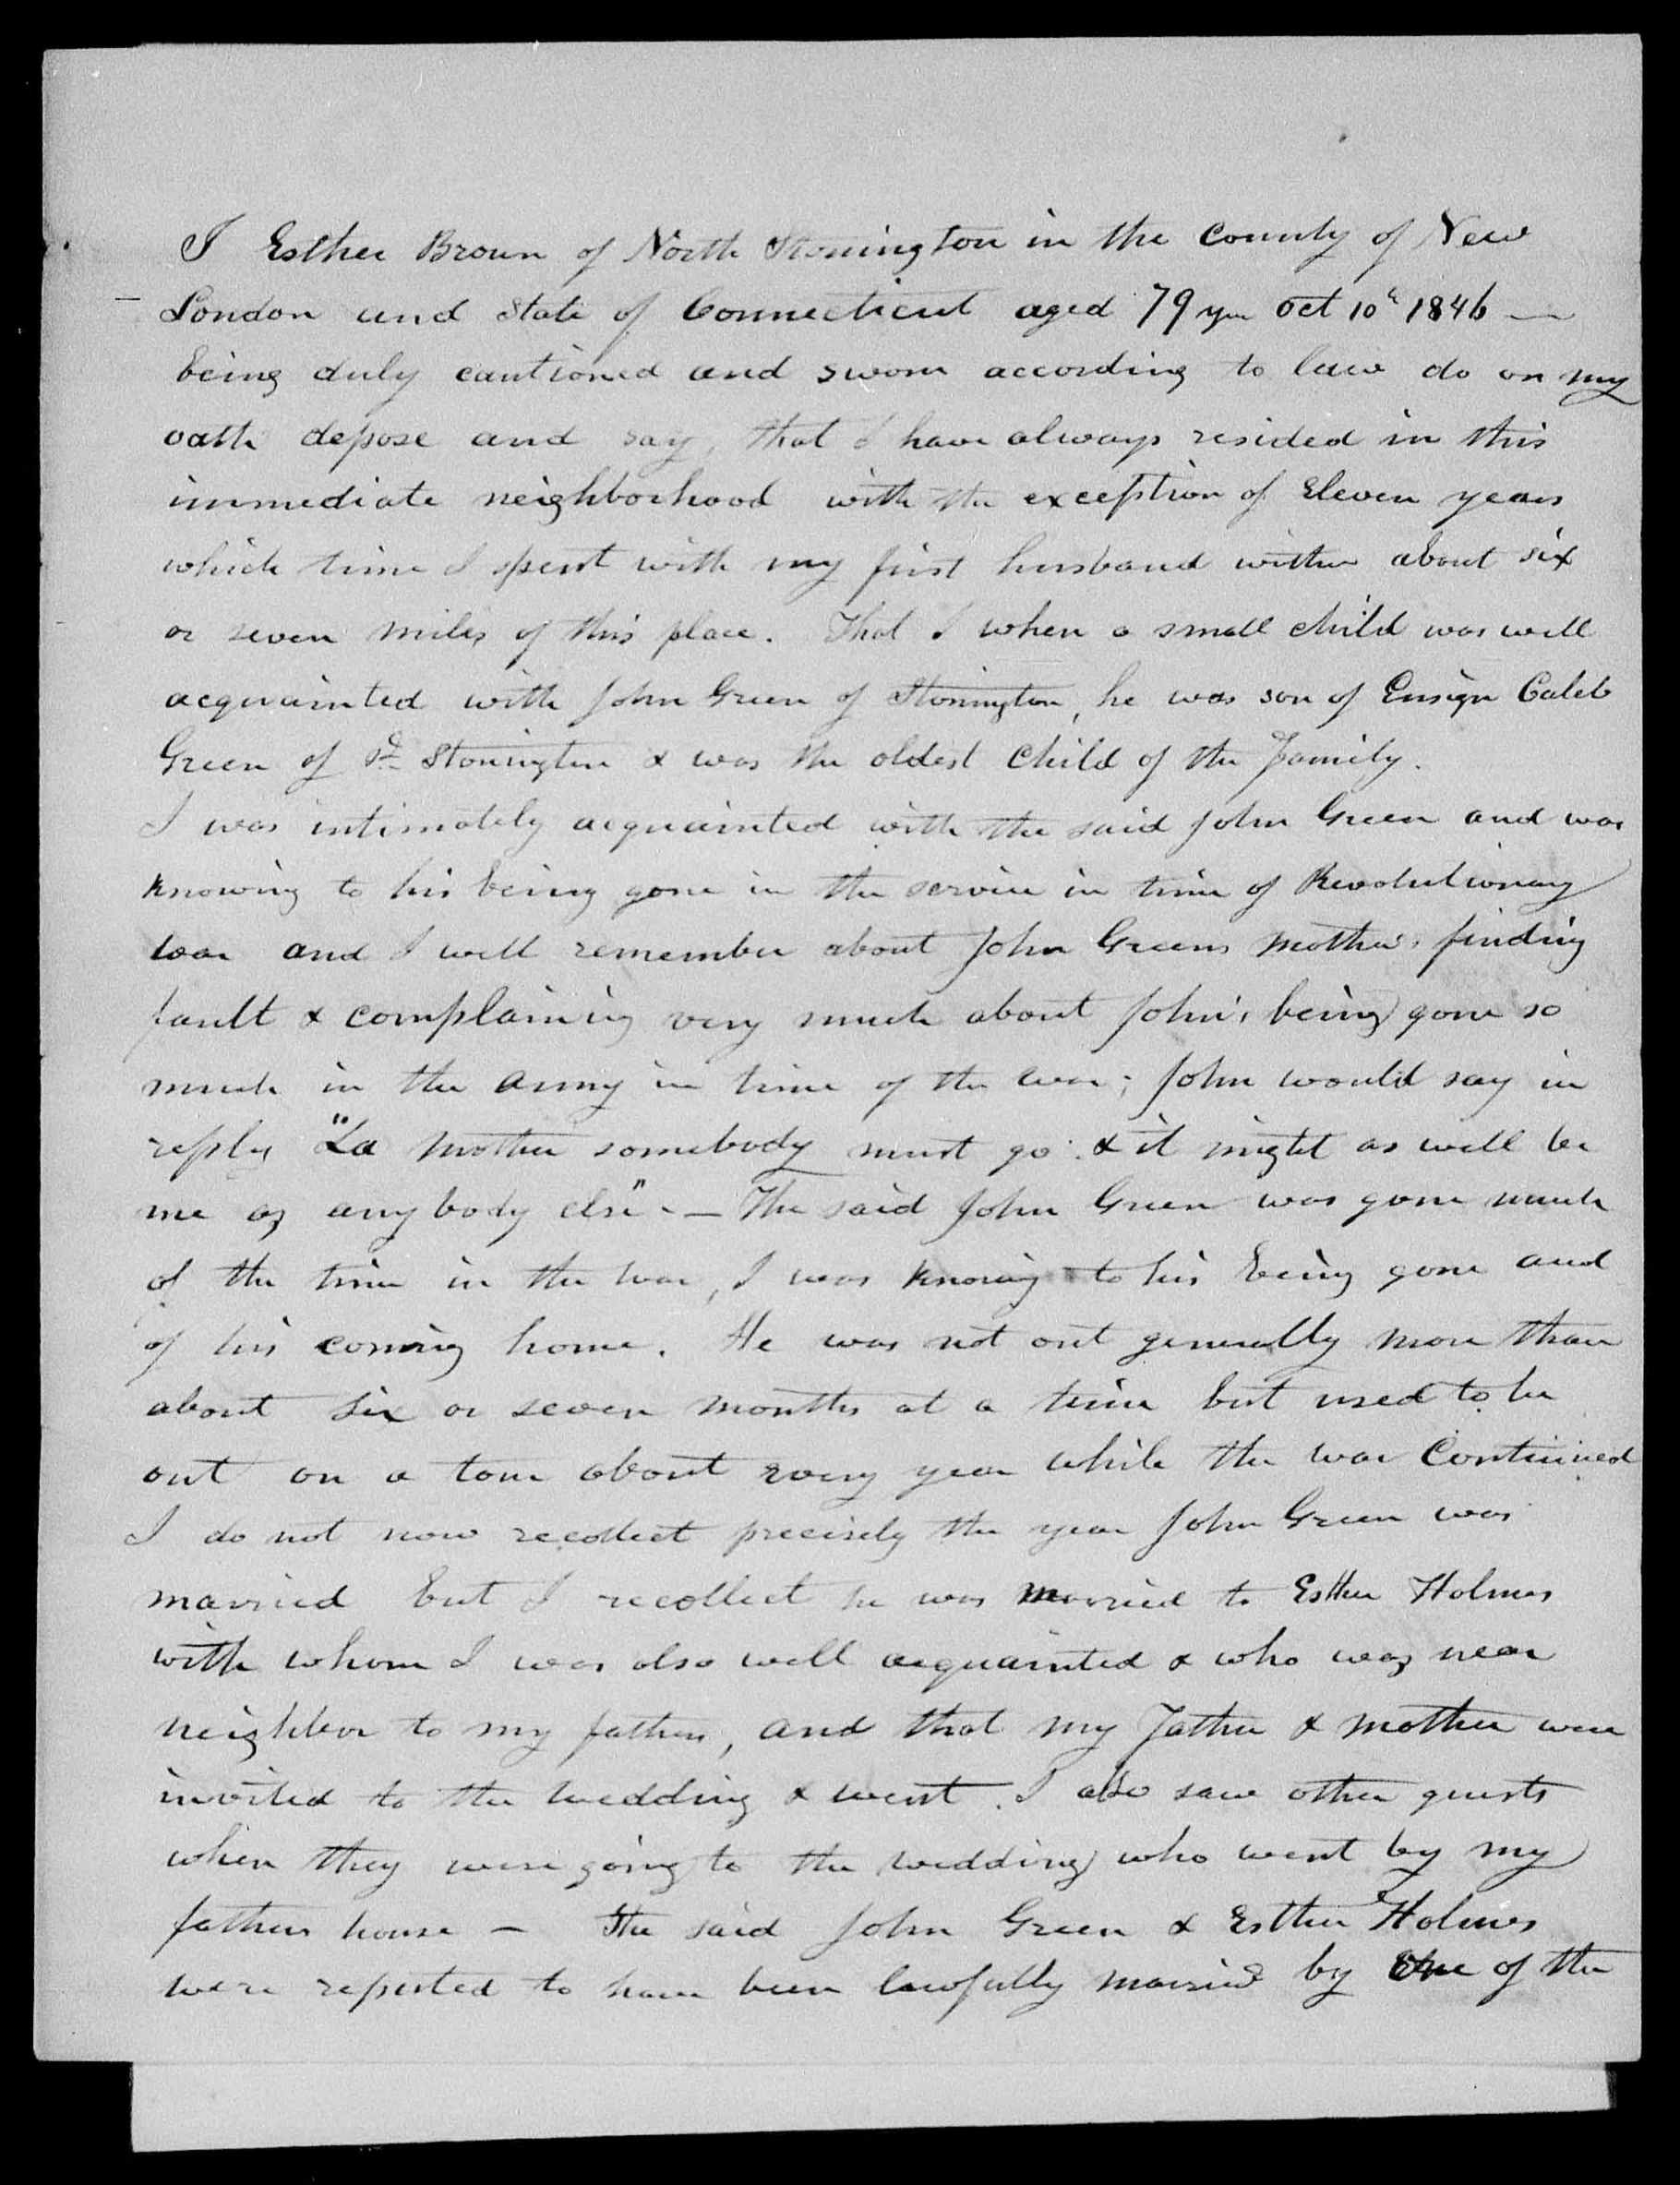I Esther Brown of North Stonington in the County of New London and State of connecticut aged 79 y Oct 10th 1846 — being duly cautioned and sworn according to law do on my oath depose and say that I have always resided in this immediate neighborhood with the exception of eleven years which time I spent with my first husband within about six or seven miles of this place. That I when a small child was well acquainted with John Green of Stonington, he was son of Ensign Caleb Green of --- Stonington & was the oldest child of the family. I was intimately acquainted with the said John Green and was knowing to his being gone in the service in time of Revolutionary War and I will remember about John Green's mothers finding fault & complaining very much about John's being gone so much in the army in time of the war; John would say in reply "La Mother somebody must go & it might as well be me as anybody else" — They said John Green was gone much of the time in the time I was knowing to his being gone and of his coming home. He was not out generally more than about six or seven months at a time but used to be out on a tour about every year while the war continued. I do not now recollect precisely the year John Green was married but I recollect he was married to Esther Holmes with whom I was also well acquainted & who was near neighbors to my father, and that my father & mother were invited to the wedding & went. I also saw other guests when they were going to the wedding who went by my fathers house — He said John Green & Esther Holmes were reported to have been lawfully married by --- of the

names: Esther Brown, John, Esther Holmes, John Green, Esther Holmes, Caleb Green, John Green, John Green, John Green, John Green, John, John Green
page: 26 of 40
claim: rejected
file: R. 4251, John Green, Conn.